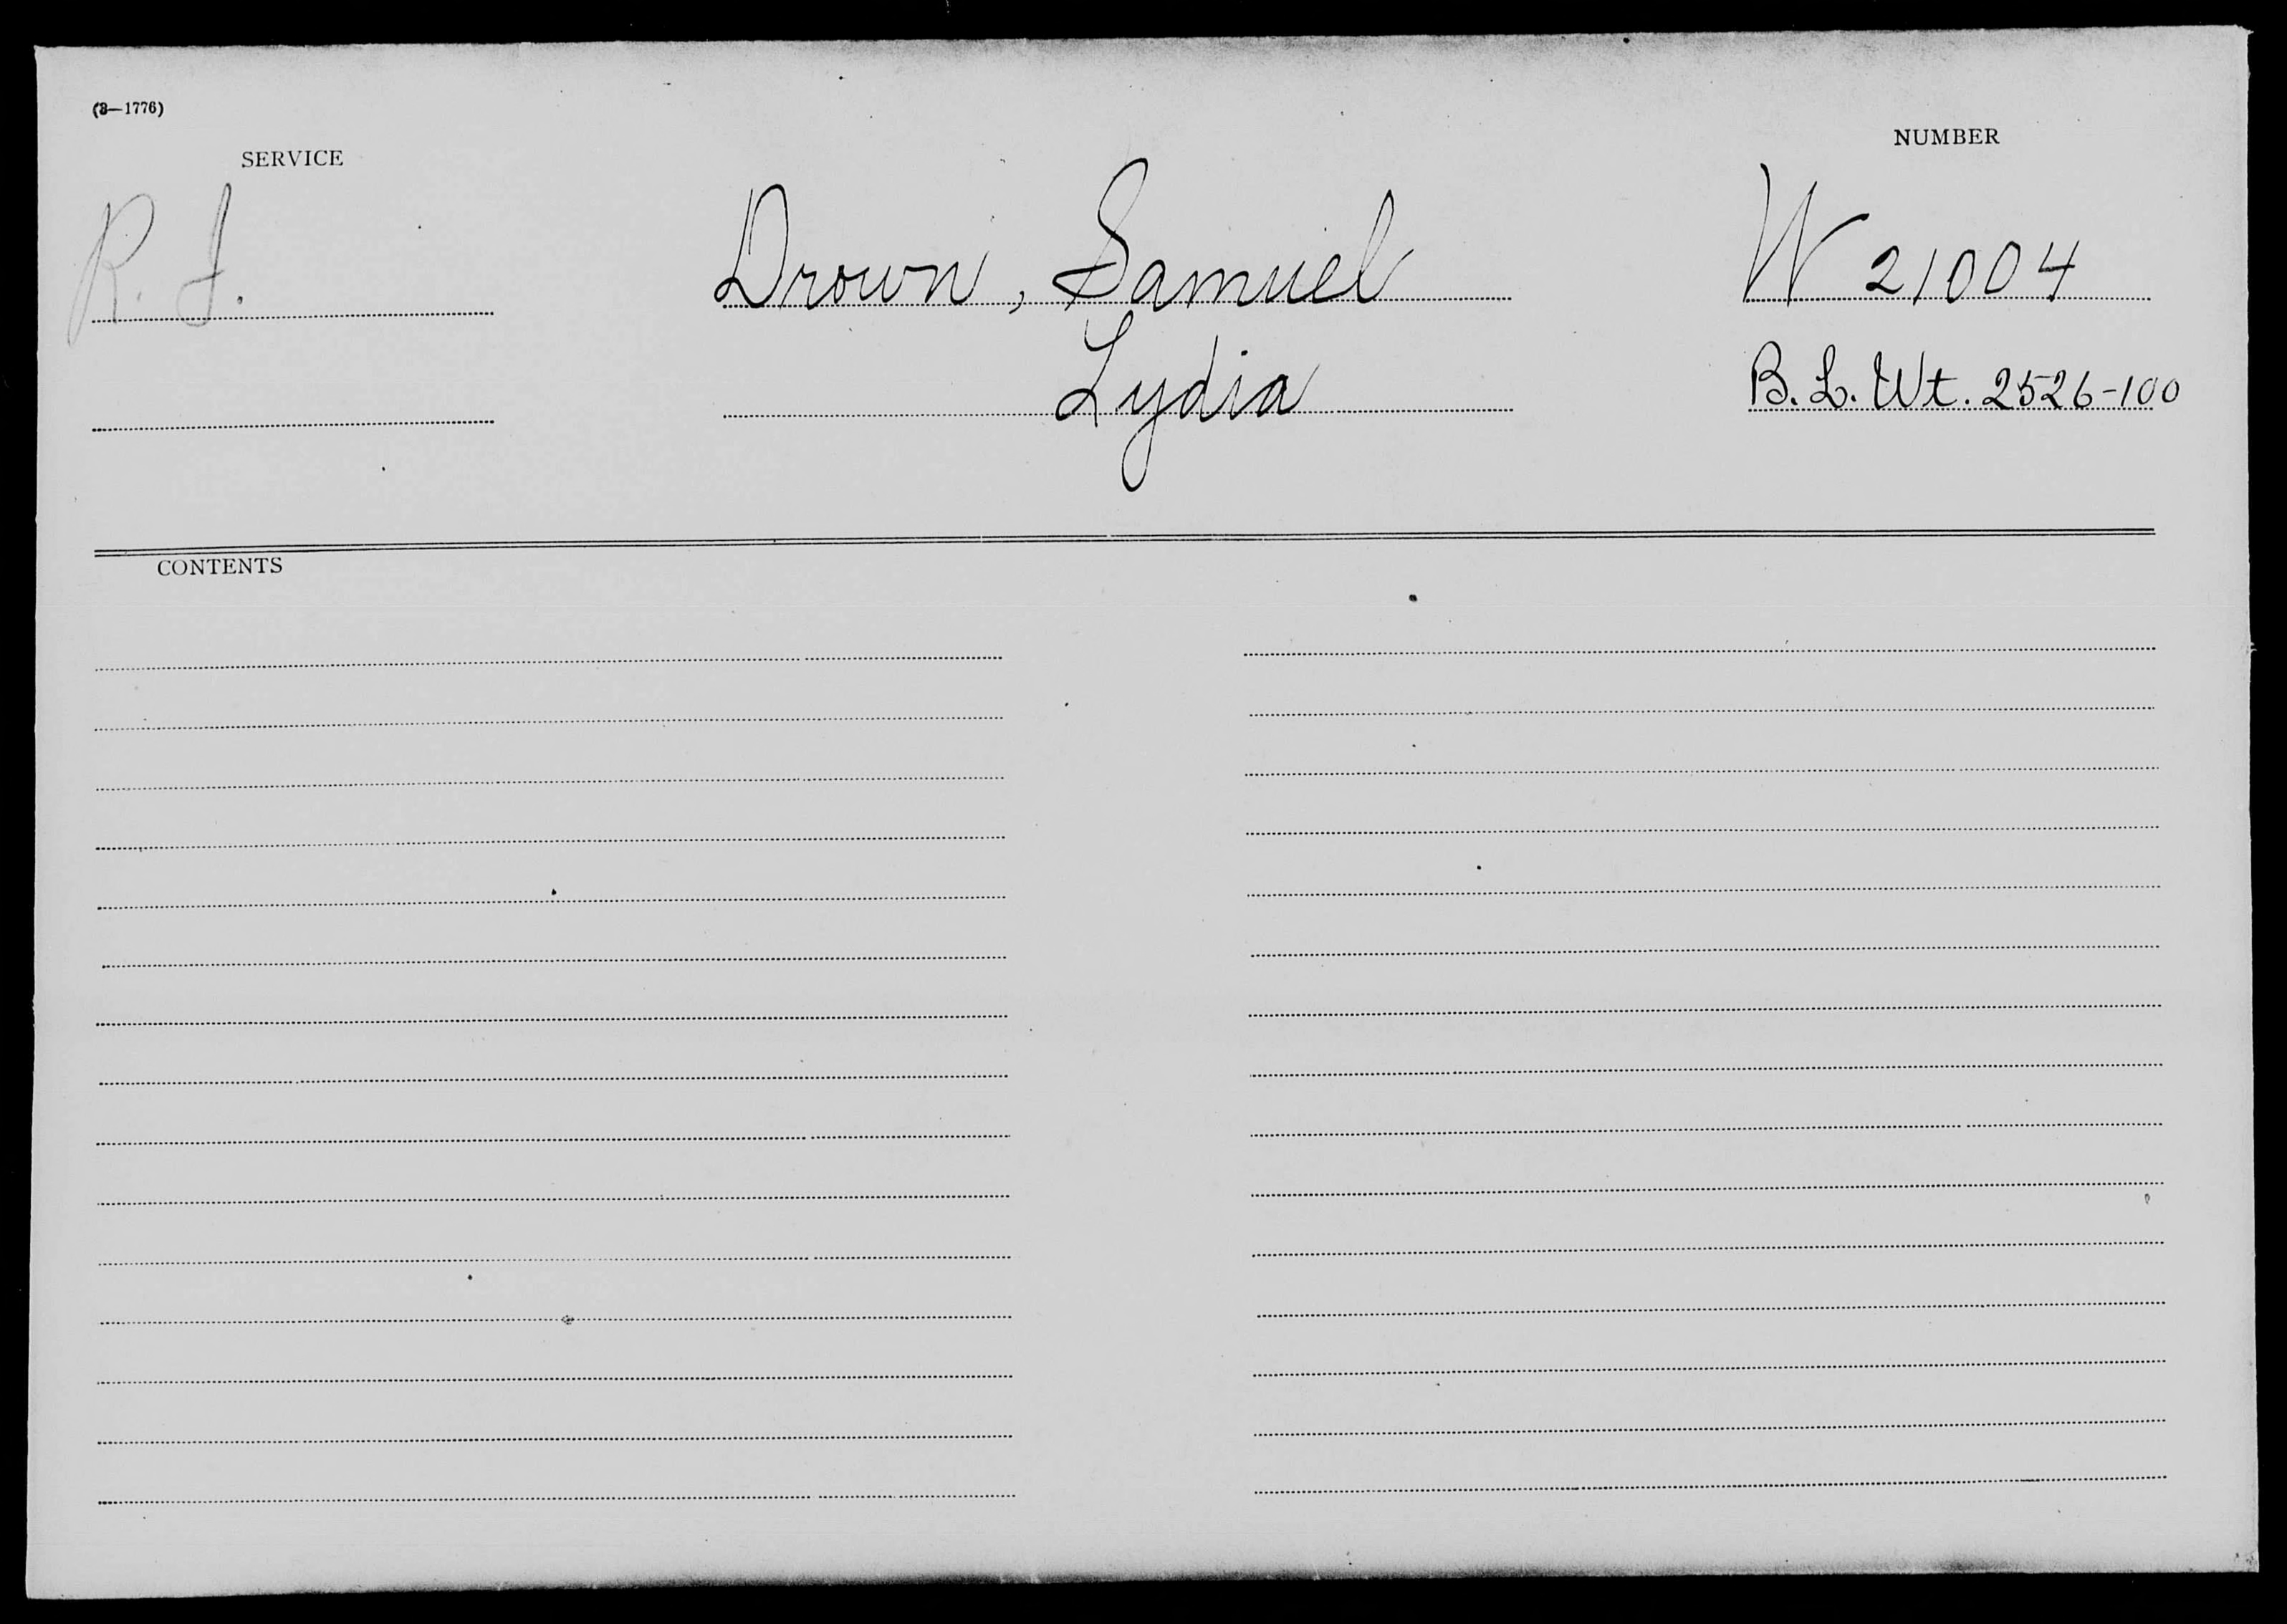R.I. Drown, Samuel      W21004
Lydia                 B.L. Wt.2526-100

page: 1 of 31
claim: widow's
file: W 21004, Samuel Drown, R.I.